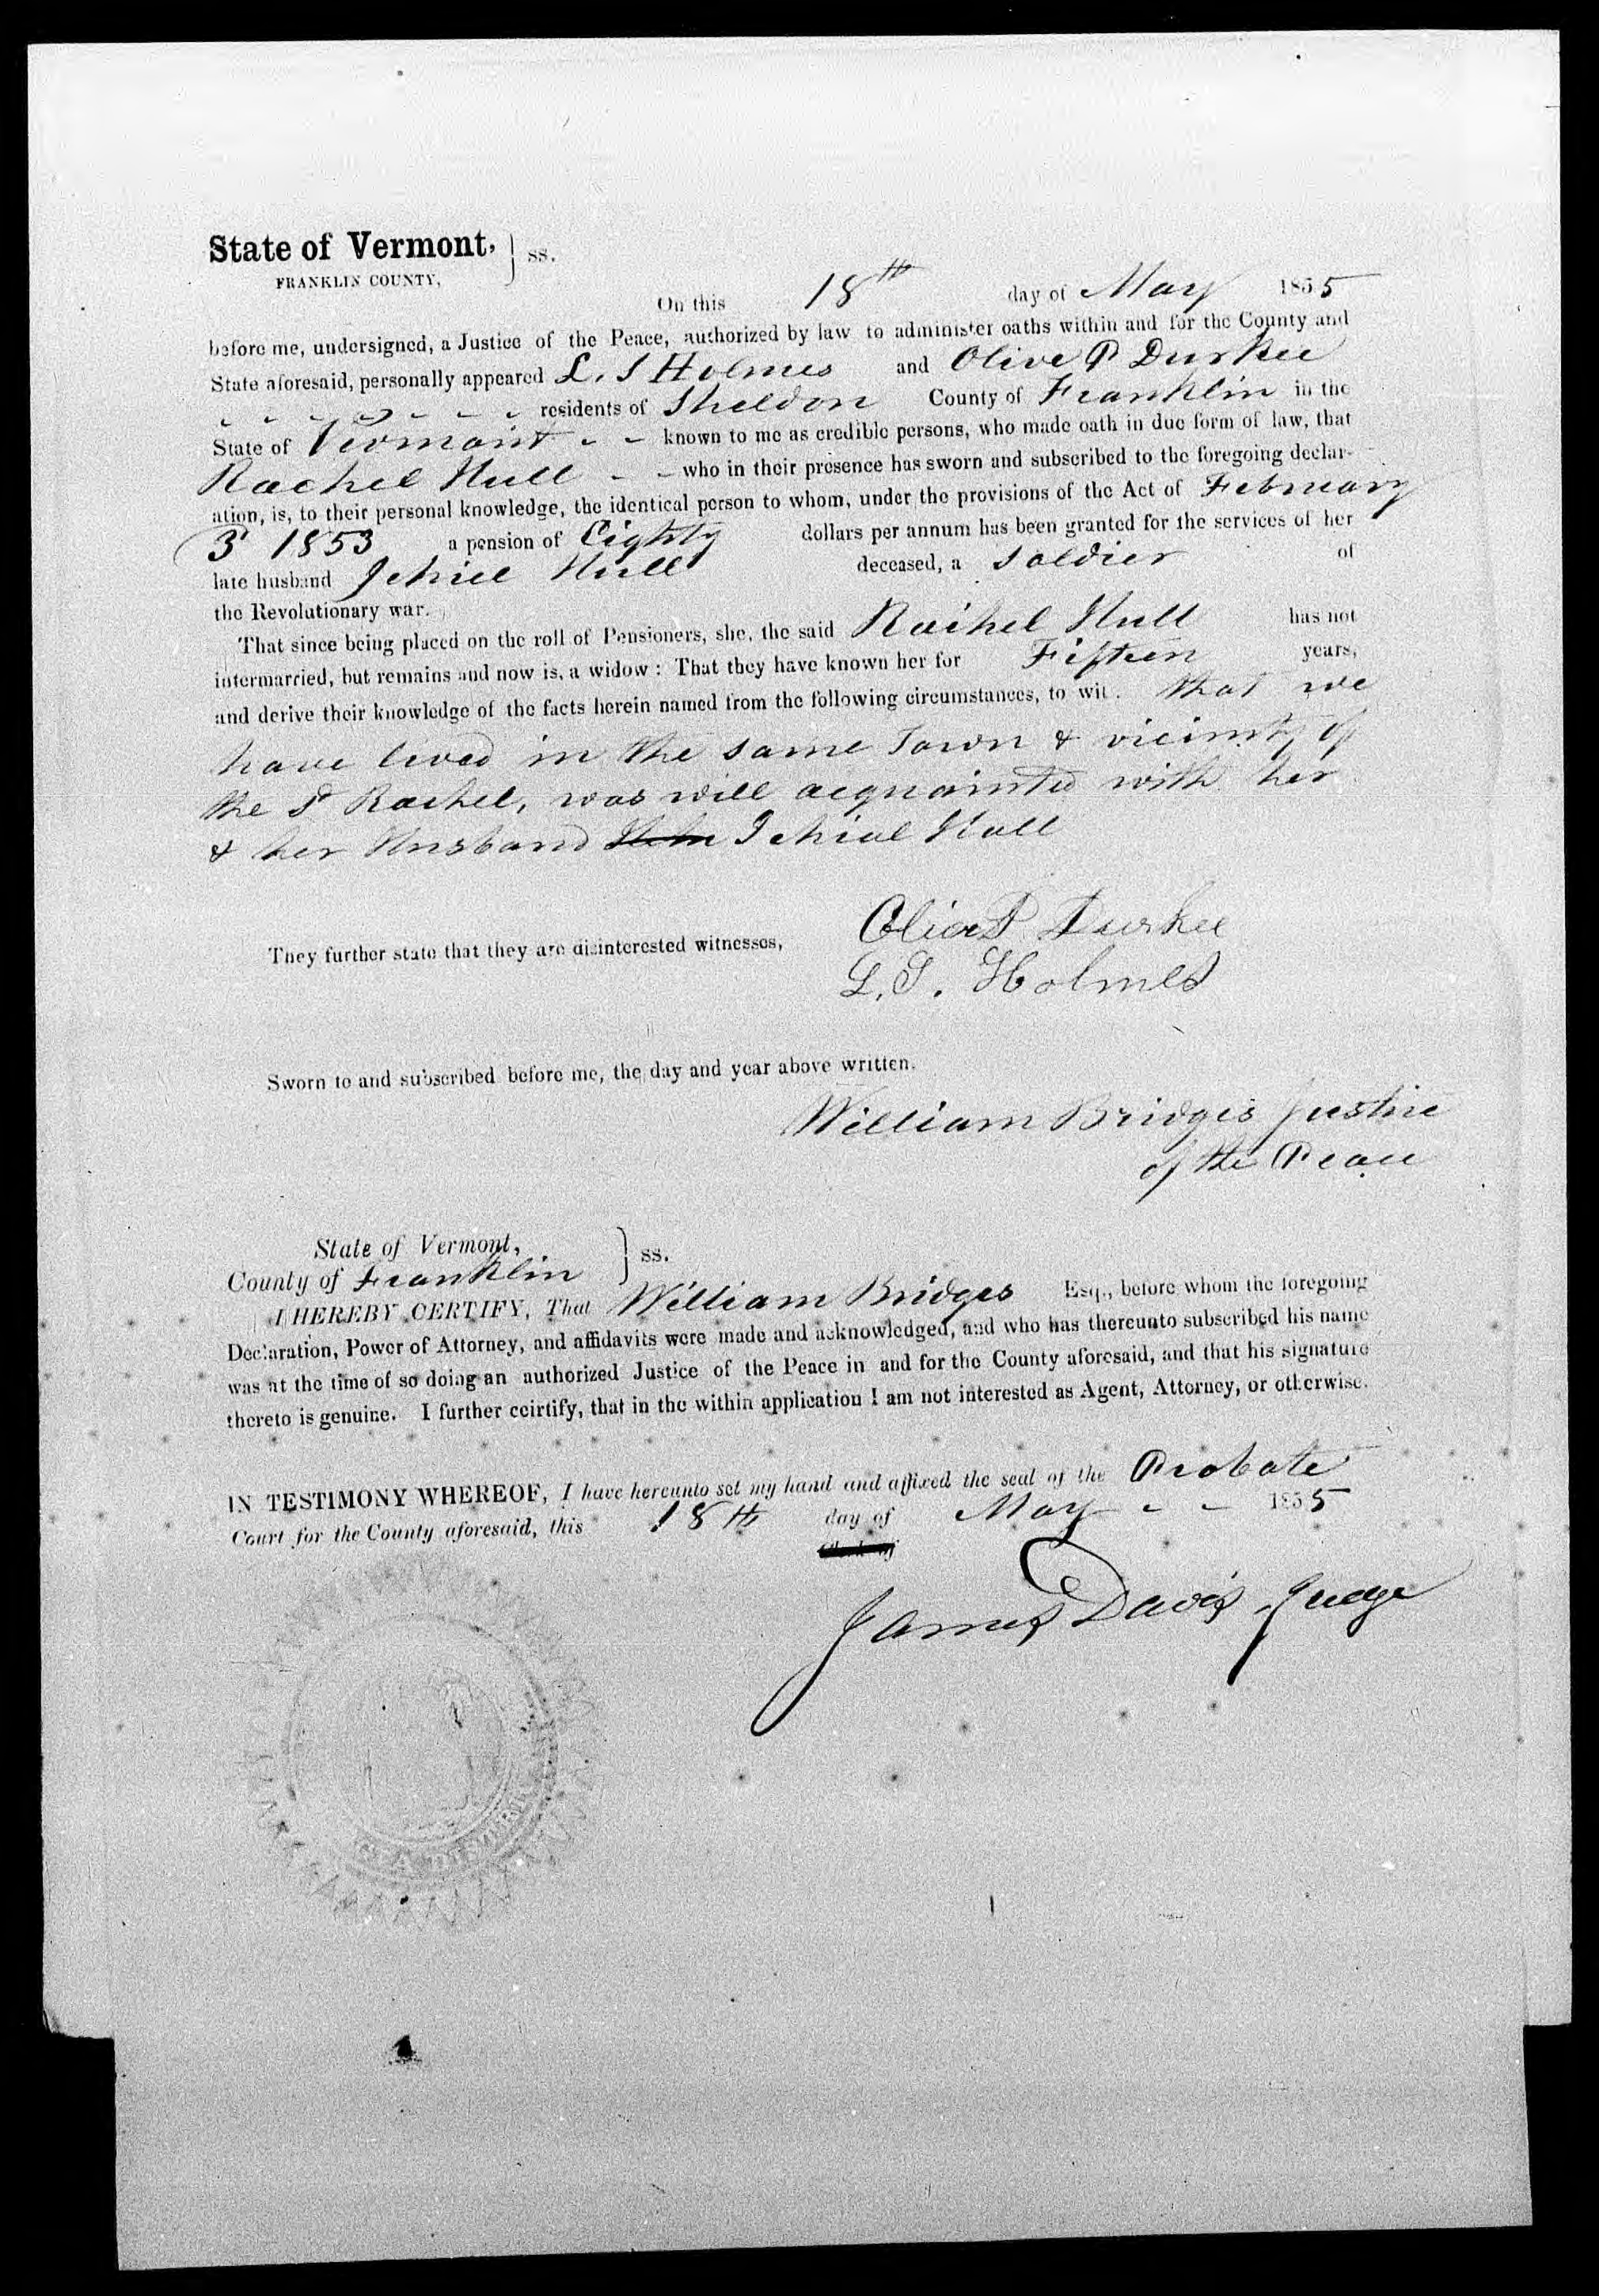State of Vermont SS
Franklin County, 
	On this 18th day of May 1855 before me, undersigned, a Justice of the Peace, authorized by law to administer oaths within and for the County and State aforesaid, personally appeared L. S. Holmes and Olive P. Durkee residents of Sheldon County of Franklin in the State of Vermont known to me as credible persons, who made oath in due form law, that Rachel Hull who in their presence has sworn and subscribed to the foregoing declaration, is, to their personal knowledge, the identical person to whom, under the provisions of the Act of February 3, 1853 a pension of Eighty dollars per annum has been granted for the services of her late husband Jehiel Hull deceased, a soldier of the Revolutionary war.
	That sense being placed on the roll of Pensioners, she, the said Rachel Hull has not intermarried, but remains and now is, a widow: That they have known her for fifteen years, and derive their knowledge of the facts herein named from the following circumstances to wit. That we have lived in the same town & vicinity of the said Rachel, was will associated with her & her husband Jehiel Hull. 
	They further state that they are disinterested witnesses, Olive P Durkee, L. S. Holmes
	Sworn to and subscribed before me, the day and year above written.
	William Bridges, Justice of the Peace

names: Jehiel Hull, James Davis, Rachel Hull, William Bridges, L S Holmes, Olive P Durkee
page: 10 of 58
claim: widow's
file: W. 25813, Jehiel Hull, Conn.